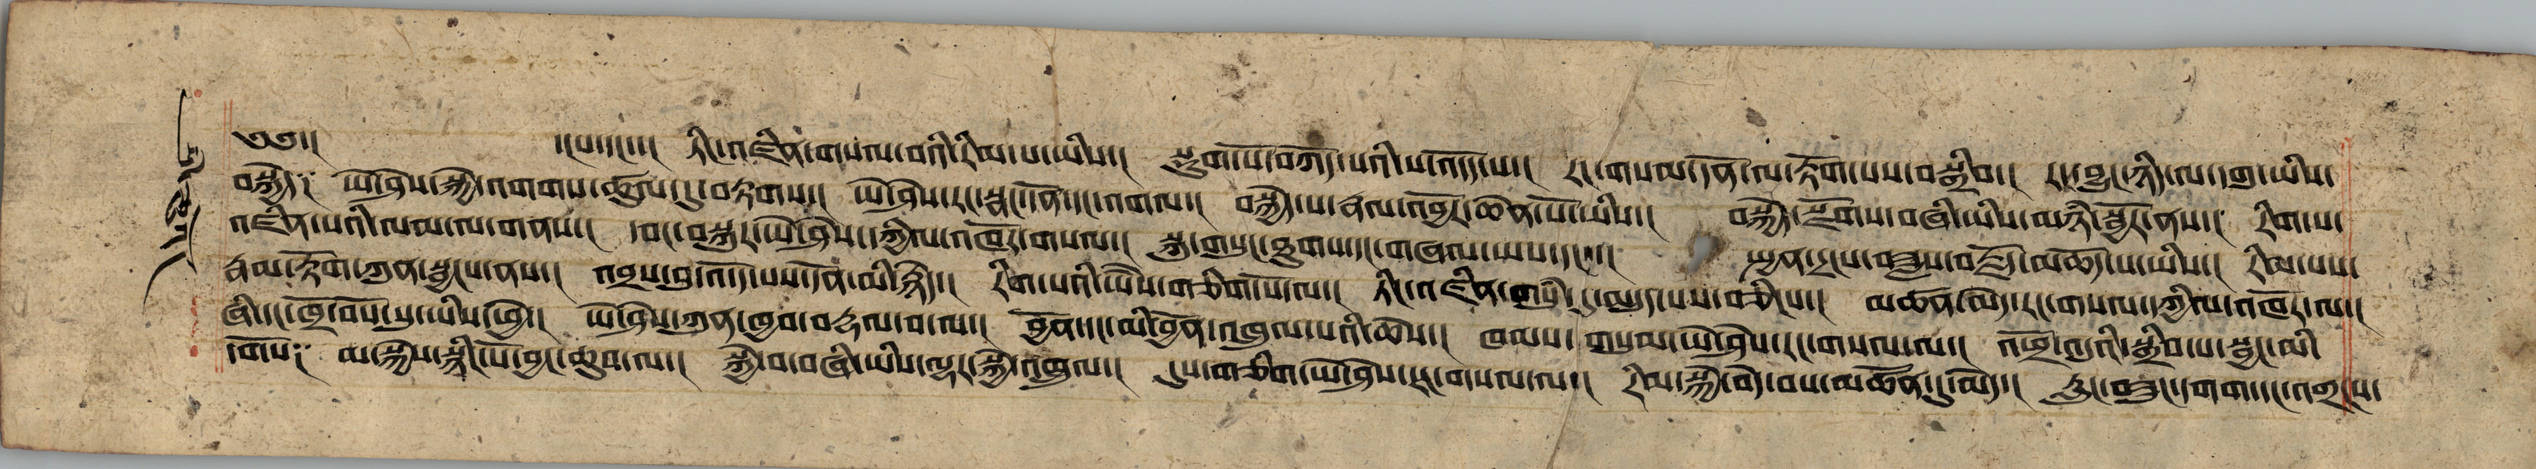༄༅་། ་།པ་དང་་། ཏིང་འཛིན་གསལ་བའི་རིམ་པ་ཡིས་། སྡུག་པོ་བཀོད་པའི་ས་འདོད་པ་། རང་གསལ་དོན་ལ་རྟོགས་པས་བསྒྲིབ་། རང་བྱུང་ཉིད་ལ་དགུ་ཡིས་
བསྐྱེད༑ ཡེ་ཤེས་སྐྱེ་འགགས་ཚུལ་དུ་བརྟགས་། ཡེ་ཤེས་རང་སྣང་དོན་དང་འགལ་། བསྐྱེད་པ་རྣལ་འབྱོར་ཆེན་པོ་ཡིས་། བསྐྱེད་སྫོགས་བཞི་ཡིས་མཉཾ་སྦྱོར་ནས་། རིག་པ་
འཛིན་པའི་ལམ་ལ་གནས་། དབང་བསྐུར་ཡེ་ཤེས་དཀྱིལ་འཁོར་གསལ་། སྐུ་གསུང་ཐུགས་དང་གཞལ་ཡས་དང་་། སྤྱན་དྲངས་བཟླས་བརྗོད་མཆོད་པ་ཡིས་། རིམ་པས་
རྣམ་རྟོག་ཀུན་སྦྱངས་ནས་། འབྲས་བུ་འདོད་པས་དོན་མི་རྙེད་། རིག་པའི་ཡཻས་གཅིག་པོ་ལ་། ཏིང་འཛིན་གསུཾ་དུ་མདུད་པས་བཅིངས་། མཚན་མེད་རང་གསལ་དཀྱིལ་འཁོར་ལ་།
ཞི་དང་ཁྲོ་བོས་སུ་ཡིས་ཕྱེ་། ཡེ་ཤེས་ཀུན་ཁྱབ་བརྡལ་བ་ལ་། བྱོན་དང་མི་བྱོན་འཁྲུལ་པའི་ཆོས་། ཁམས་གསུམ་ཡེ་ཤེས་རང་གསལ་ལ་། འཕྲོ་འདུའི་སྒྲིབ་པ་སྦྱང་མི་
དགོས༑ མ་སྐྱེས་སྙིང་པོ་བྱང་ཆུབ་ལ་། སྐྱེ་བ་བཞི་ཡིས་ལྷར་སྐྱེ་འཁྲུལ་། དུས་གཅིག་ཡེ་ཤེས་རང་གསལ་ལ་། རིམ་སྐྱེ་བདེ་བས་མཚོན་དུ་མེད་། རླུང་བཟུང་དགག་དང་འགྲངས་